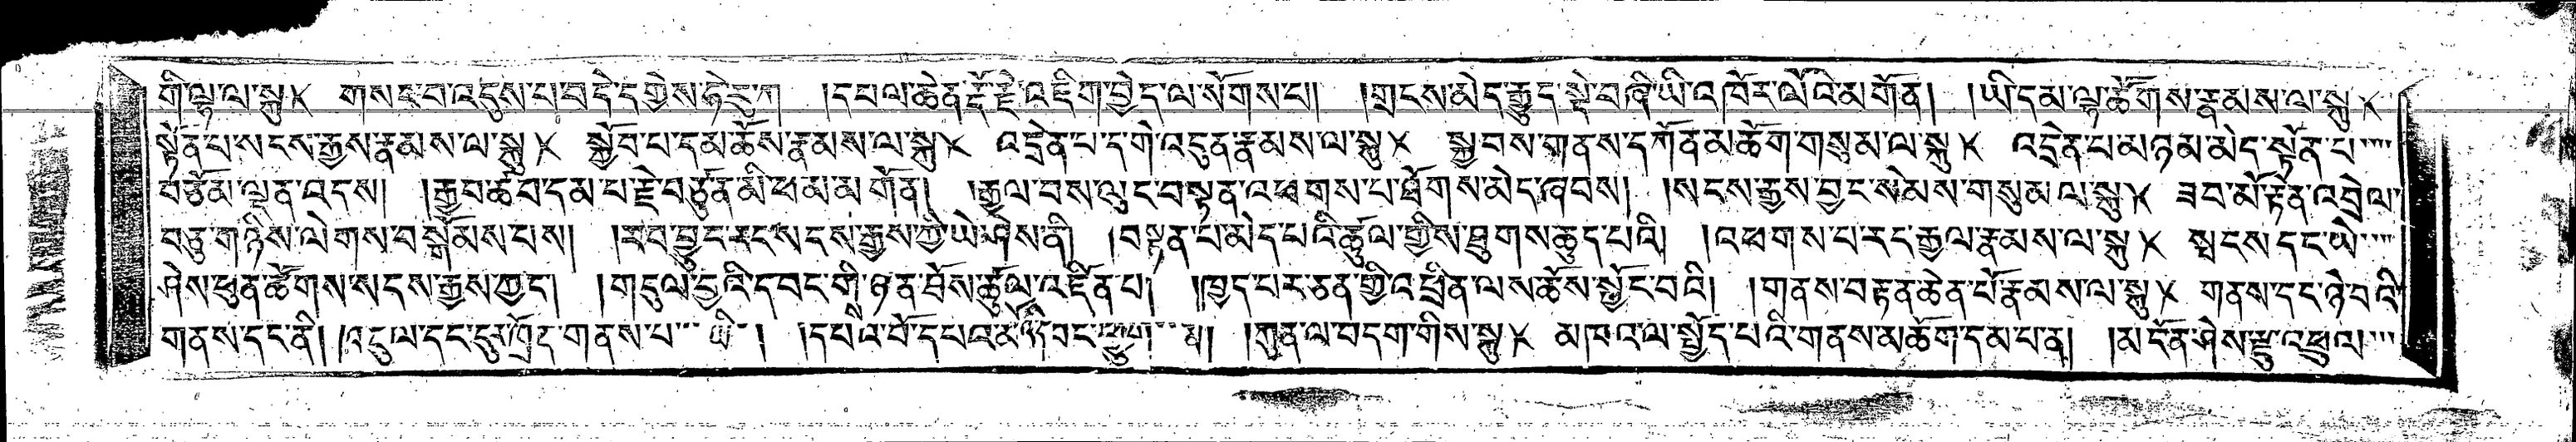གི་ལྷ་ལ་སྐུ་{྾}་གསང་བ་འདུས་པ་བདེ་དགྱེས་ཧེ་རུ་ཀ །དཔལ་ཆེན་རྡོ་རྗེ་འཇིག་བྱེད་ལ་སོགས་པ། །གྲངས་མེད་རྒྱུད་སྡེ་བཞི་ཡི་འཁོར་ལོའི་མགོན། །ཡི་དམ་ལྷ་ཚོགས་རྣམས་ལ་སྐུ་{྾}
སྟོན་པ་སངས་རྒྱས་རྣམས་ལ་སྐུ་{྾}་སྐྱོབ་པ་དམ་ཆོས་རྣམས་ལ་སྐུ་{྾}་འདྲེན་པ་དགེ་འདུན་རྣམས་ལ་སྐུ་{྾}་སྐྱབས་གནས་དཀོན་མཆོག་གསུམ་ལ་སྐུ་{྾}་འདྲེན་པ་མཉམ་མེད་སྟོན་པ་
བཅོམ་ལྡན་འདས། །རྒྱབ་ཚབ་དམ་པ་རྗེ་བཙུན་མི་ཕ་མ་མགོན། །རྒྱལ་བས་ལུང་བསྟན་འཕགས་པ་ཐོགས་མེད་ཞབས། །སངས་རྒྱས་བྱང་སེམས་གསུམ་ལ་སྐུ་{྾}་ཟབ་མོ་རྟེན་འབྲེལ་
བཅུ་གཉིས་ལེགས་བསྒོམས་པས། །རབ་བྱུང་རང་སངས་རྒྱས་ཀྱི་ཡེ་ཤེས་ནི། །བསྟན་པ་མེད་པའི་ཚུལ་གྱིས་ཐུགས་ཆུད་པའི། །འཕགས་པ་རང་རྒྱལ་རྣམས་ལ་སྐུ་{྾}་པངས་དང་ཡེ་
ཤེས་ཕུན་ཚོགས་སངས་རྒྱས་ཀྱང་། །གདུལ་བྱའི་དབང་གིས་ཉན་ཐོས་ཚུལ་འཛིན་པ། །ཁྱད་པར་ཅན་གྱི་འཕྲིན་ལས་ཆོས་སྐྱོང་བའི། །གནས་བརྟན་ཆེན་པོ་རྣམས་ལ་སྐུ་{྾}་གནས་དང་ཉེ་བའི་
གནས་དང་ནི། །འདུལ་དང་དུར་ཁྲོད་གནས་པ་ཡི། །དཔའ་བོ་དཔའ་མོའི་དབང་ཕྱུག་མ། །ཀུན་ལ་བདག་གིས་སྐུ་{྾}་མཁའ་ལ་སྤྱོད་པའི་གནས་མཆོག་དམ་པ་ན། །མངོན་ཤེས་རྫུ་འཕྲུལ་